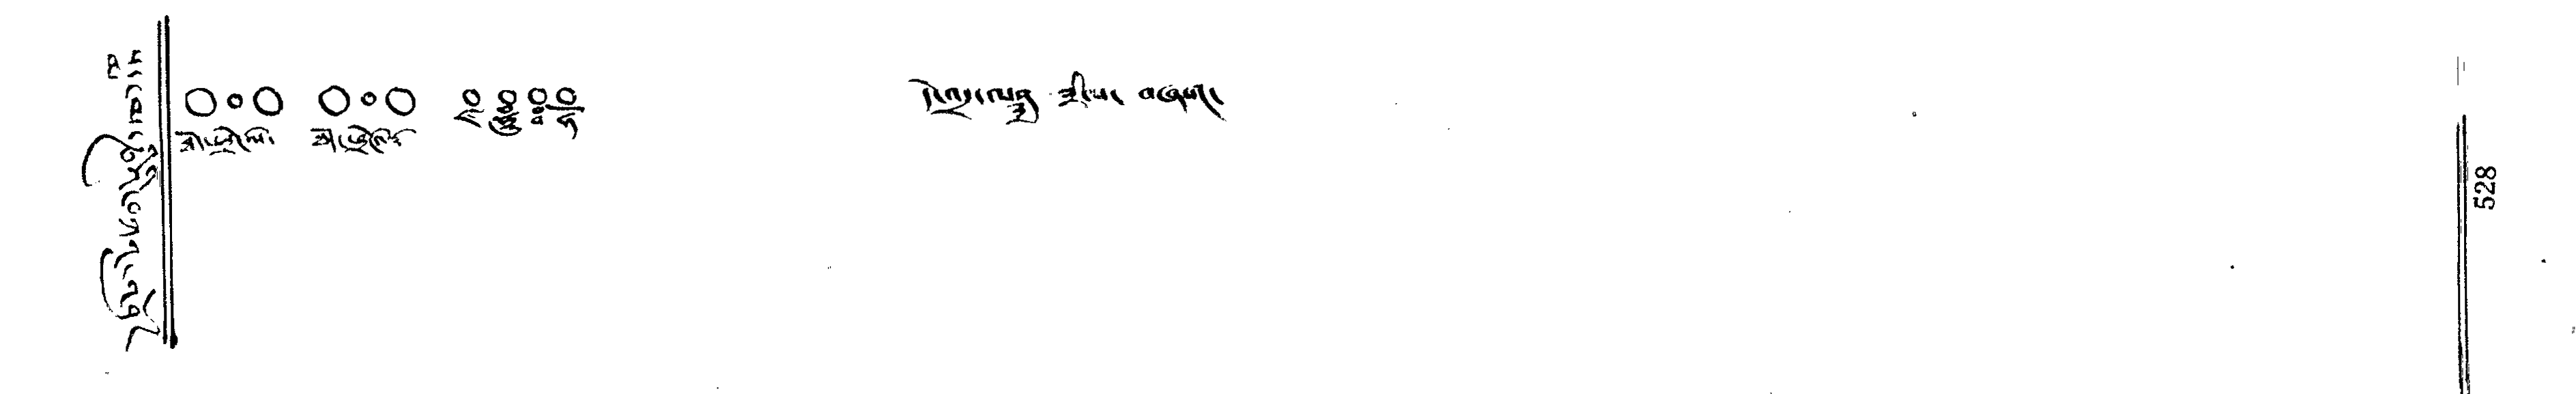ཐོད་ཕྲེང་རྩལ་ཛ་ཧཱུྃ་བཾ་ཧོཿ དེ་འདྲ་ལན་གསུམ། ཟིལ། བཞག